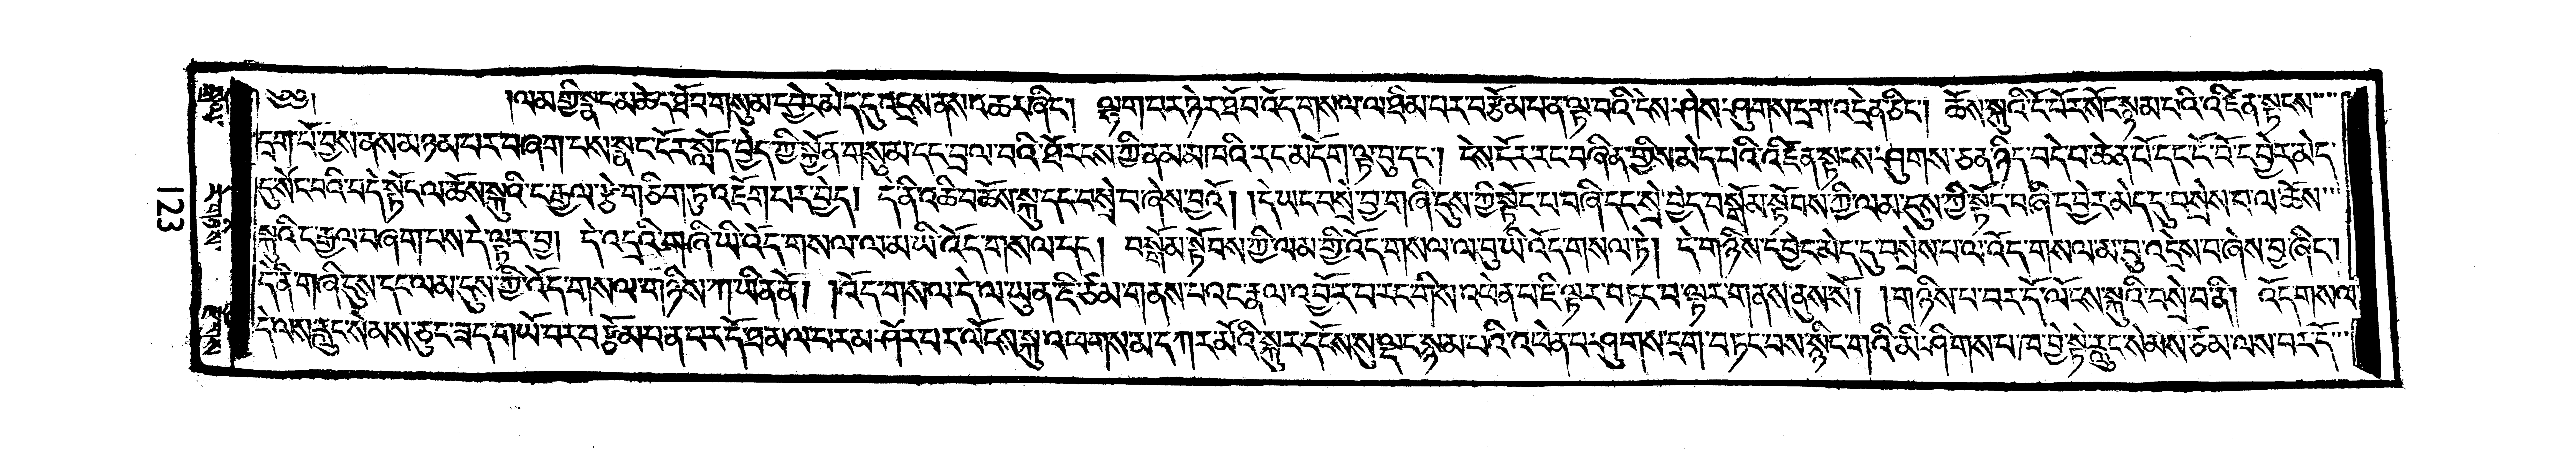༄༅། །ལམ་གྱི་སྣང་མཆེད་ཐོབ་གསུམ་དབྱེར་མེད་དུ་འདྲེས་ནས་འཆར་ཞིང་། ལྷག་པར་ཉེར་ཐོབ་འོད་གསལ་ལ་ཐིམ་པར་བརྩོམ་པ་ན་ལྟ་བའི་ངེས་ཤེས་ཤུགས་དྲག་འདྲེན་ཅིང་། ཆོས་སྐུའི་ངོ་བོར་སོང་སྙམ་པའི་འཛིན་སྟངས་
དྲག་པོ་བྱས་ནས་མཉམ་པར་བཞག་པས་སྣང་ངོར་སློད་བྱེད་ཀྱི་སྐྱོན་གསུམ་དང་བྲལ་བའི་ཐོ་རངས་ཀྱི་ནམ་མཁའི་རང་མདོག་ལྟ་བུ་དང་། ངེས་ངོར་རང་བཞིན་གྱིས་མེད་པའི་འཛིན་སྟངས་ཤུགས་ཅན་ཉིད་བདེ་བ་ཆེན་པོ་དང་ངོ་བོ་དབྱེར་མེད་
དུ་སོང་བའི་བདེ་སྟོང་ལ་ཆོས་སྐུའི་ང་རྒྱལ་རྩེ་གཅིག་ཏུ་འཇོག་པར་བྱེད། དེ་ནི་འཆི་བ་ཆོས་སྐུ་དང་བསྲེ་བ་ཞེས་བྱའོ། །དེ་ཡང་བསྲེ་བྱ་གཞི་དུས་ཀྱི་སྟོང་པ་བཞི་དང་བསྲེ་བྱེད་བསྒོམ་སྟོབས་ཀྱི་ལམ་དུས་ཀྱི་སྟོང་བཞི་དབྱེར་མེད་དུ་བསྲེས་པ་ལ་ཆོས་
སྐུའི་ང་རྒྱལ་བཞག་པས་དེ་ལྟར་བྱ། དེ་འདྲའི་གཞི་ཡི་འོད་གསལ་ལམ་ཡི་འོད་གསལ་དང་། བསྒོམ་སྟོབས་ཀྱི་ལམ་གྱི་འོད་གསལ་ལ་གུ་ཡི་འོད་གསལ་ཏེ། དེ་གཉིས་དབྱེར་མེད་དུ་བསྲེས་པ་ལ་འོད་གསལ་མ་བུ་འདྲེས་པ་ཞེས་བྱ་ཞིང་།
དེ་ནི་གཞི་དུས་དང་ལམ་དུ་ཀྱི་འོད་གསལ་གཉིས་ཀ་ཡིན་ནོ། །འོད་གསལ་དེ་ལ་ཡུན་ཇི་ཙམ་གནས་པའང་རྣལ་འབྱོར་པ་རང་གིས་འཕེན་པ་ཇི་ལྟར་བཏང་བ་ལྟར་གནས་ནུས་སོ། །གཉིས་པ་བར་དོ་ལོངས་སྐུའི་བསྲེ་བ་ནི། འོད་གསལ་
དེ་ལས་རླུང་སེམས་ཅུང་ཟད་གཡོ་བར་བརྩོམ་པ་ན་བར་དོ་ཐ་མལ་པར་མ་ཤོར་བར་ལོངས་སྐུ་འཕགས་མ་དཀར་མོའི་སྐུར་དངོས་སུ་ལྡང་སྙམ་པའི་འཕེན་པ་ཤུགས་དྲག་བཏང་པས་སྙིང་གའི་མི་ཤིགས་པ་ཁ་བྱེ་སྟེ་རླུང་སེམས་ཙམ་ལས་བར་དོ་